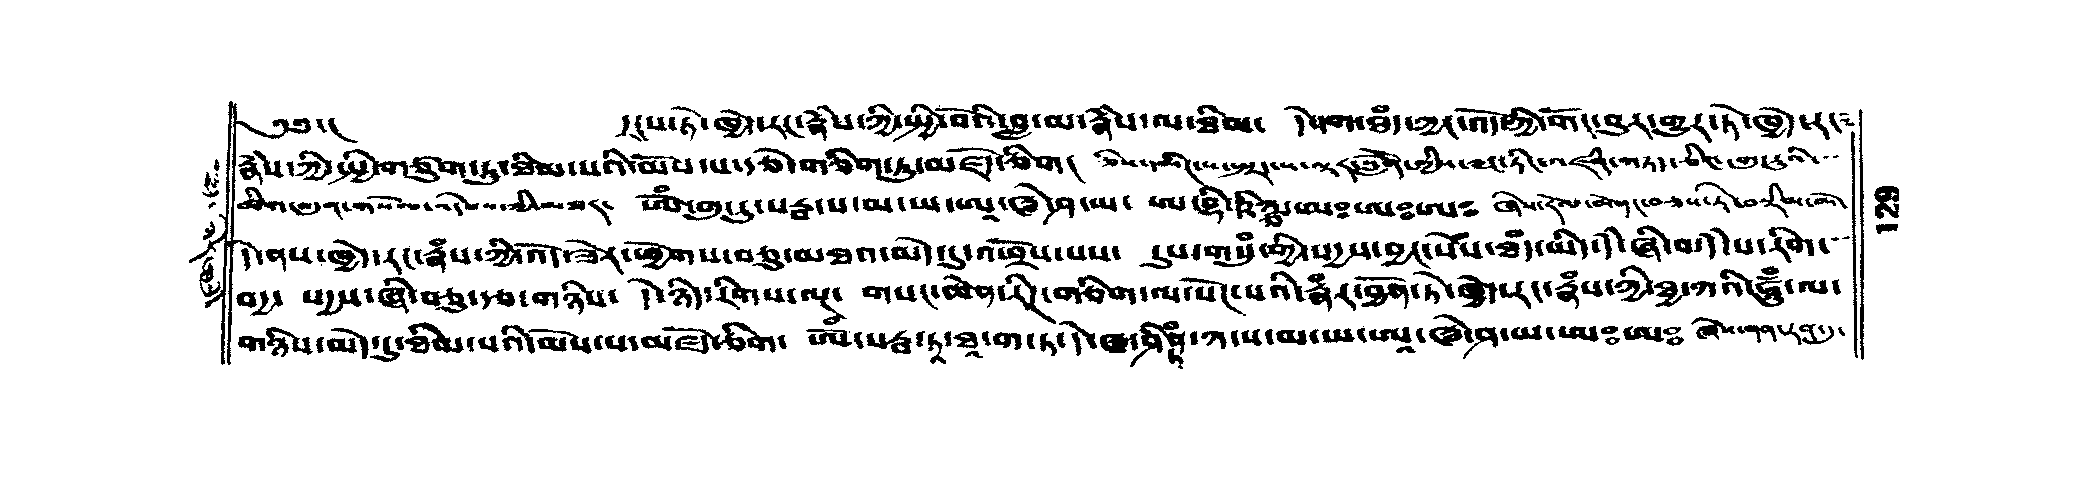དྲངས་ཏེ་ཁྱེད་རང་རྣམས་ཀྱི་སྤྱི་བོའི་བླ་མ་རྣམས་ལ་ཐིམ། དེ་དག་ཐམས་ཅད་ཀྱང་འོད་ཀྱི་གོང་བུར་གྱུར་ཏེ་ཁྱེད་རང་
རྣམས་ཀྱི་སྤྱི་གཙུག་ཏུ་ཐིམ་པའི་མོས་པ་རྩེ་གཅིག་ཏུ་མཛོད་ཅིག ཅེས་དམིགས་པ་སྤྲད་པ་ལྟར་སློབ་དཔོན་གྱིས་ཀྱང་ཏིང་འཛིན་གཏད་ཅིང་གུ་རུའི་
ཚིག་བདུན་གསོལ་འདེབས་ཀྱི་མཐར། ཨོཾ་གུ་རུ་སརྦ་པ་མ་ཡ་ཨཱ་ཝེ་ཤ་ཡ། ཨ་བྷི་རིཉྩ་ཨཿཨཿཨཿ ཞེས་རོལ་ཆེ་དང་བཅས་ཏེ་བསྟིམ་མོ། 
དེ་ནས་ཁྱེ་རང་རྣམས་ཀྱི་འོད་ཟེར་ཕྱོགས་བཅུ་མཐའ་མེད་དུ་འཕྲོས་པས། དུས་གསུམ་གྱི་སངས་རྒྱས་བྱང་སེམས་ཐམས་ཅད་ཡིད་དམ་ཞི་བ་དམ་པ་རིག་
བརྒྱ། སངས་རྒྱས་ཞི་བཅུ་རྩ་གཉིས། དེ་ཉིད་དུ་རིགས་ལྔ། གསང་ཆེན་རིགས་གཅིག་ལ་སོགས་པའི་རྣམ་པར་བྱོན་ཏེ་ཁྱེད་རང་རྣམས་ཀྱི་ཐུགས་ཀའི་ཧཱུྃ་ལ་
གཉིས་མེད་དུ་ཐིམ་པའི་མོས་པ་མཛོད་ཅིག ཨོཾ་སརྦ་ཏཱ་ཐཱ་ག་ཏ་དེ་ཝ་ཤིནྟཾ་ཀ་ས་མ་ཡ་ཨཱ་ཝེ་ཤ་ཡ་ཨཿཨཿཞེས་ནན་ཏན་དུ་